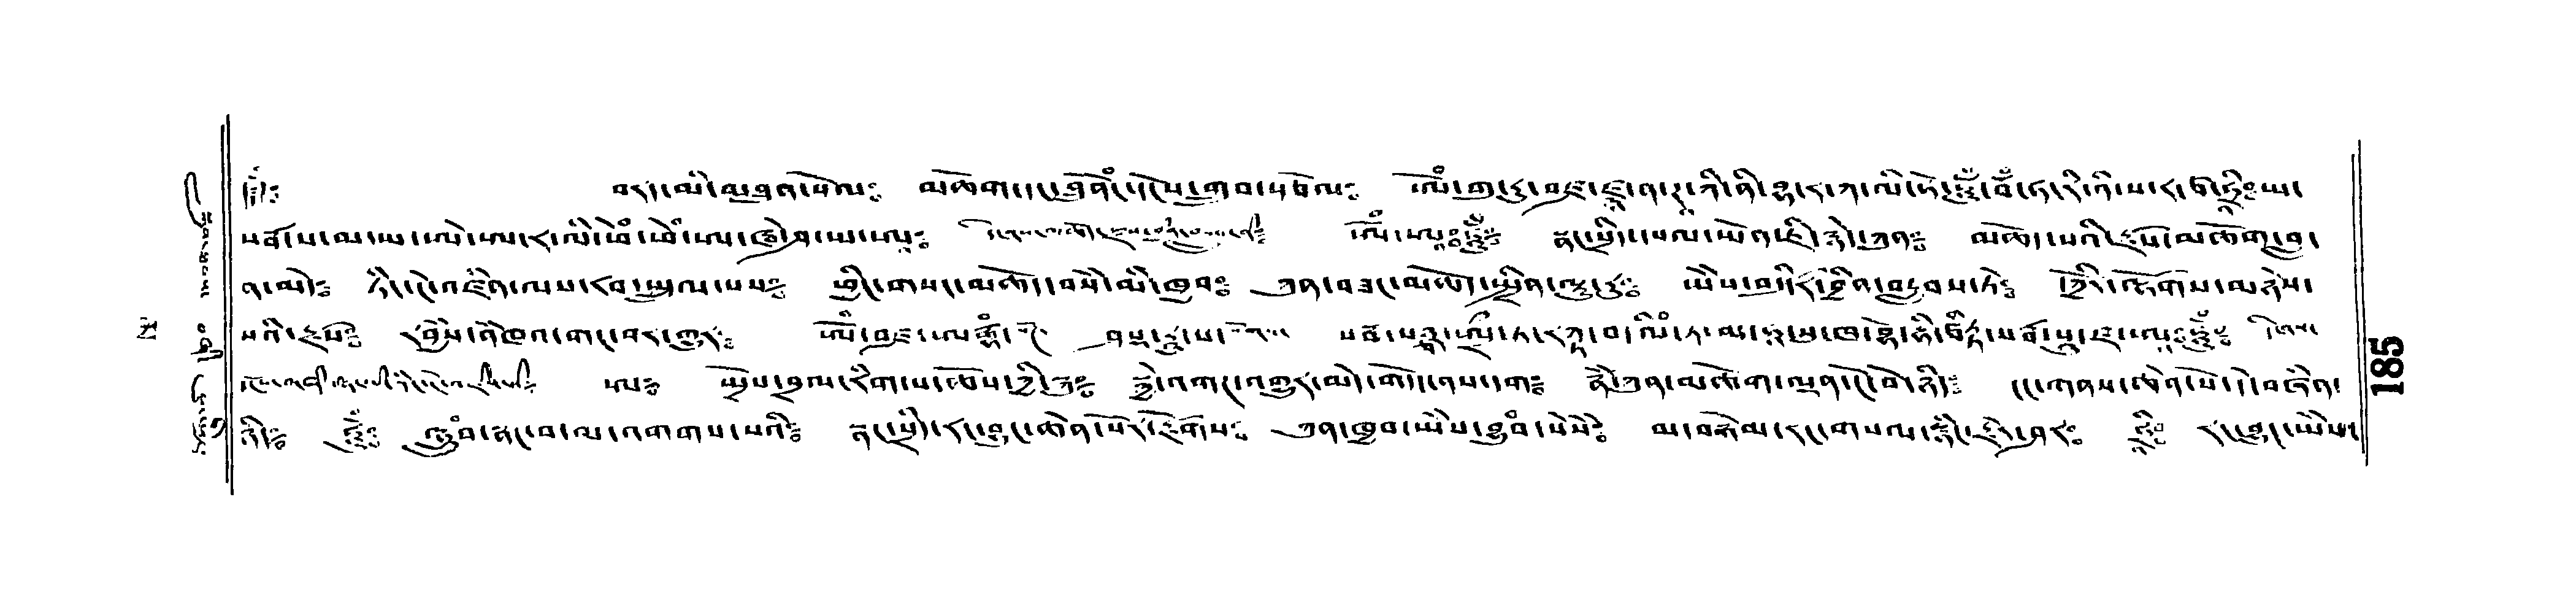བར་ཆད་མི་མཐུན་སེལ༔ མཆོག་དག་ཐུན་མོང་དངོས་གྲུབ་སྩོལ༔ ཨོཾ་གུ་རུ་བཛྲ་ཛྙཱ་ན་ཌཱ་ཀི་ནི་བྷ་ར་ཀ་ལི་ཧོ་ཧཱུྃ་བྃ་ཧ་རི་ནི་ས་ར་ཙ་ཧྲཱིཿཡ་
སརྦ་ས་མ་ཡ་ཨེ་ཨ་ར་ལི་ཕེཾ་ཕེཾ་ཨ་ཝེ་ཤ་ཡ་ཨཱཿ དེ་ནས་མཆོད་རྫས་བྱིན་བརླབ་ནི༔ ཨོཾ་ཨཱཿཧཱུྃ༔ སྣང་སྲིད་དཔལ་ཡོན་ཇི་སྙེད་ཀུན༔ མཆོད་པའི་རྫས་མཆོག་བླ་
ན་མེད༔ ཏིང་ངེ་འཛིན་ལས་རབ་སྤྲུལ་པས༔ ཕྱི་ནང་གསང་མཆོད་བསམ་མི་ཁྱབ༔ ཀུན་བཟང་མཆོད་སྤྲིན་ལྟ་བུ་རུ༔ཡེ་ཤེས་བདུད་རྩིར་བྱིན་བརླབས་ཏེ༔ དཀྱིལ་འཁོར་ལྷ་ཚོགས་མཉེས་
པའི་རྫས༔ རབ་འབྱམས་ནམ་མཁའ་གང་བར་གྱུར༔ ཨོཾ་བཛྲ་ཨརྒྷཾ་སོགས༔ ཤཔྡ་རུ་པ་སོགས༔ སརྦ་པཉྩ་ཨ་མྲྀ་ཏ་རཀྟ་བ་ལིཾ་ཏ་མ་ཧཱ་སུ་ཁ་བྷོ་དྷི་ཙིཏྟ་སརྦ་པཱུ་ཛ་ཨཱཿཧཱུྃ༔ དེ་ནས་
དངོས་གཞི་ལྷ་ཡི་ཏིང་ངེ་འཛིན་ནི༔ ཨཱཿ སྤྲོས་བྲལ་རིག་པ་ཆོས་ཀྱི་སྐུ༔ སྐྱེ་འགགས་འགྱུར་མེད་གདོད་ནས་དག༔ རྣམ་ཀུན་མཆོག་ལྡན་ངོ་བོ་ཉིད༔ ངང་གནས་ཆེན་པོ་དེ་བཞིན་
ཉིད༔ ཧཱུྃ༔ ལྷུན་གྲུབ་སྣང་བ་མ་འགགས་པའི༔ སྣང་སྲིད་རང་བྱུང་ཆེན་པོར་རྫོགས༔ ཀུན་ཁྱབ་ཡེ་ཤེས་བྱང་ཆུབ་སེམས༔ མ་བསྒོམ་རང་གསལ་སྙིང་རྗེར་ཤར༔ ཧྲཱིཿ རང་བྱུང་ཡེ་ཤེས་